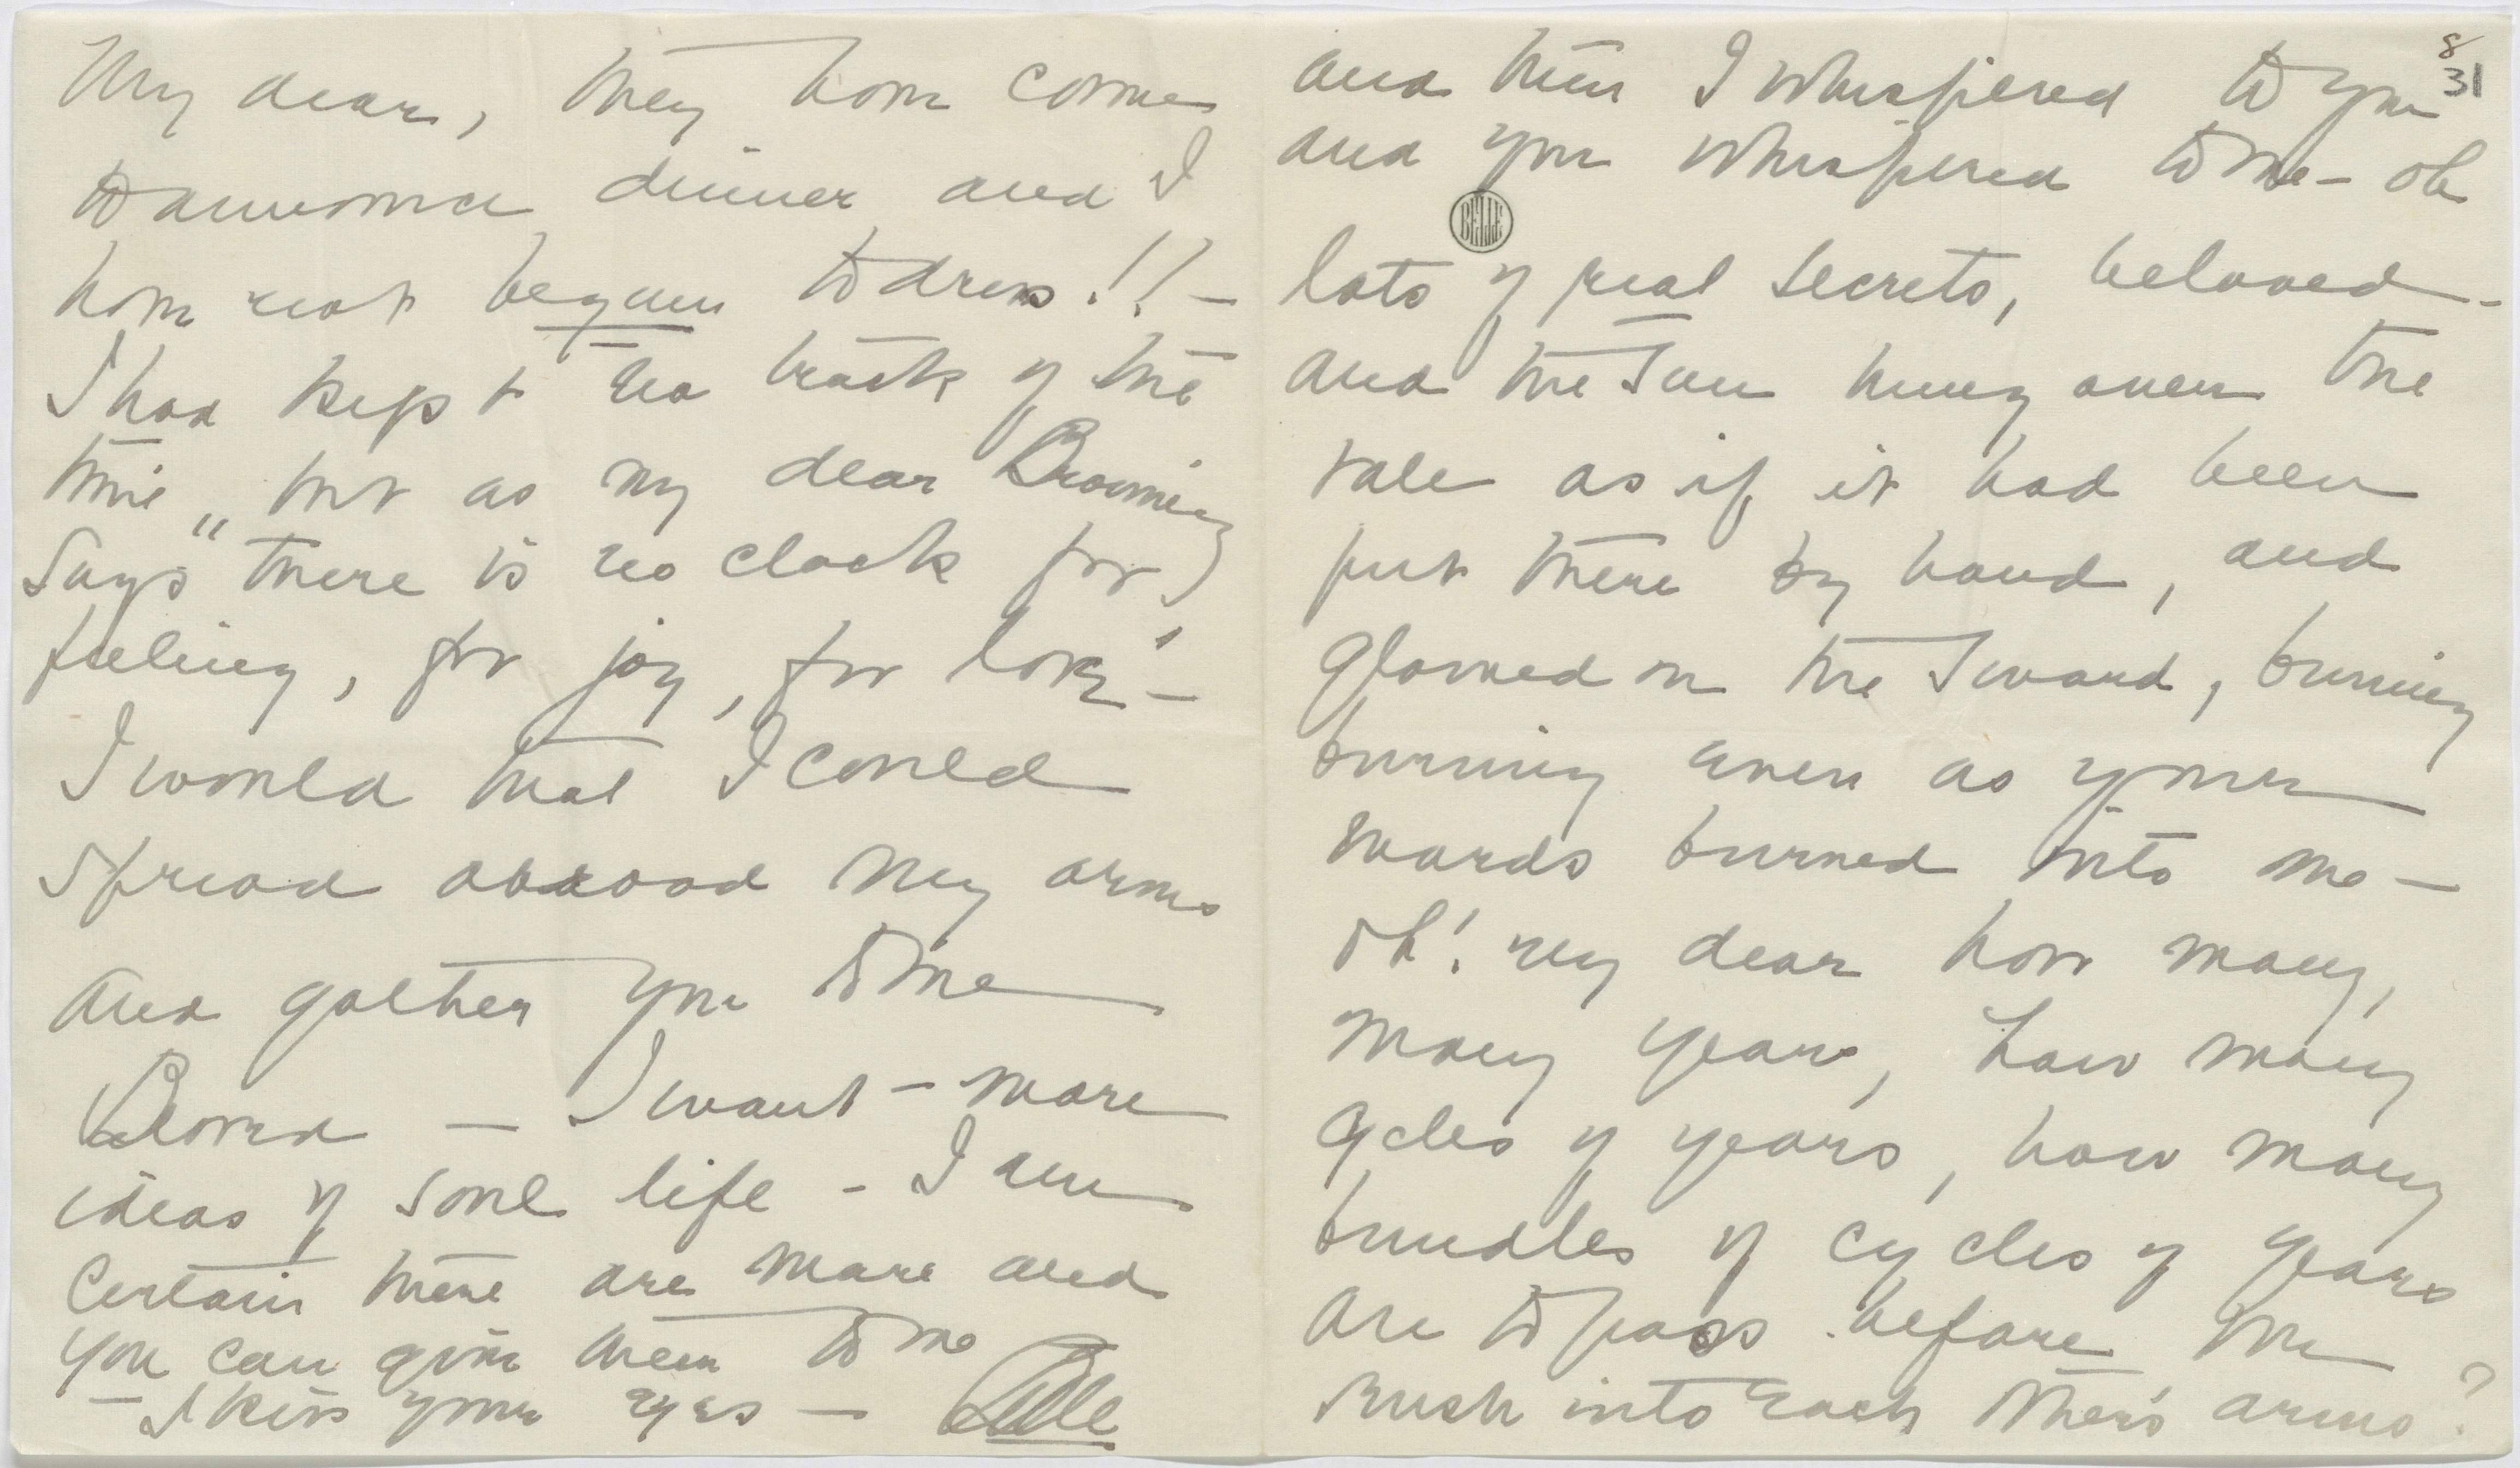and then I whispered to you and you whispered to me – oh lots of real secrets, beloved – and the sun hung over the vale as if it had been put there by hand, and glowed on the sward, burning burning even as your words burned into me – oh! my dear how many, many years, how many cycles of years, how many bundles of cycles of years are to pass before we rush into each other’s arms?
My dear, they have come to announce dinner and I have not [double underlined: begun] to dress!! – I had kept no track of the time but as my dear Browning says “there is no clock for feeling, for joy, for love” – I would that I could spread abroad my arms and gather you to me
Beloved – I want more ideas of soul life – I am certain there are more and you can give them to me – I kiss your eyes – Belle